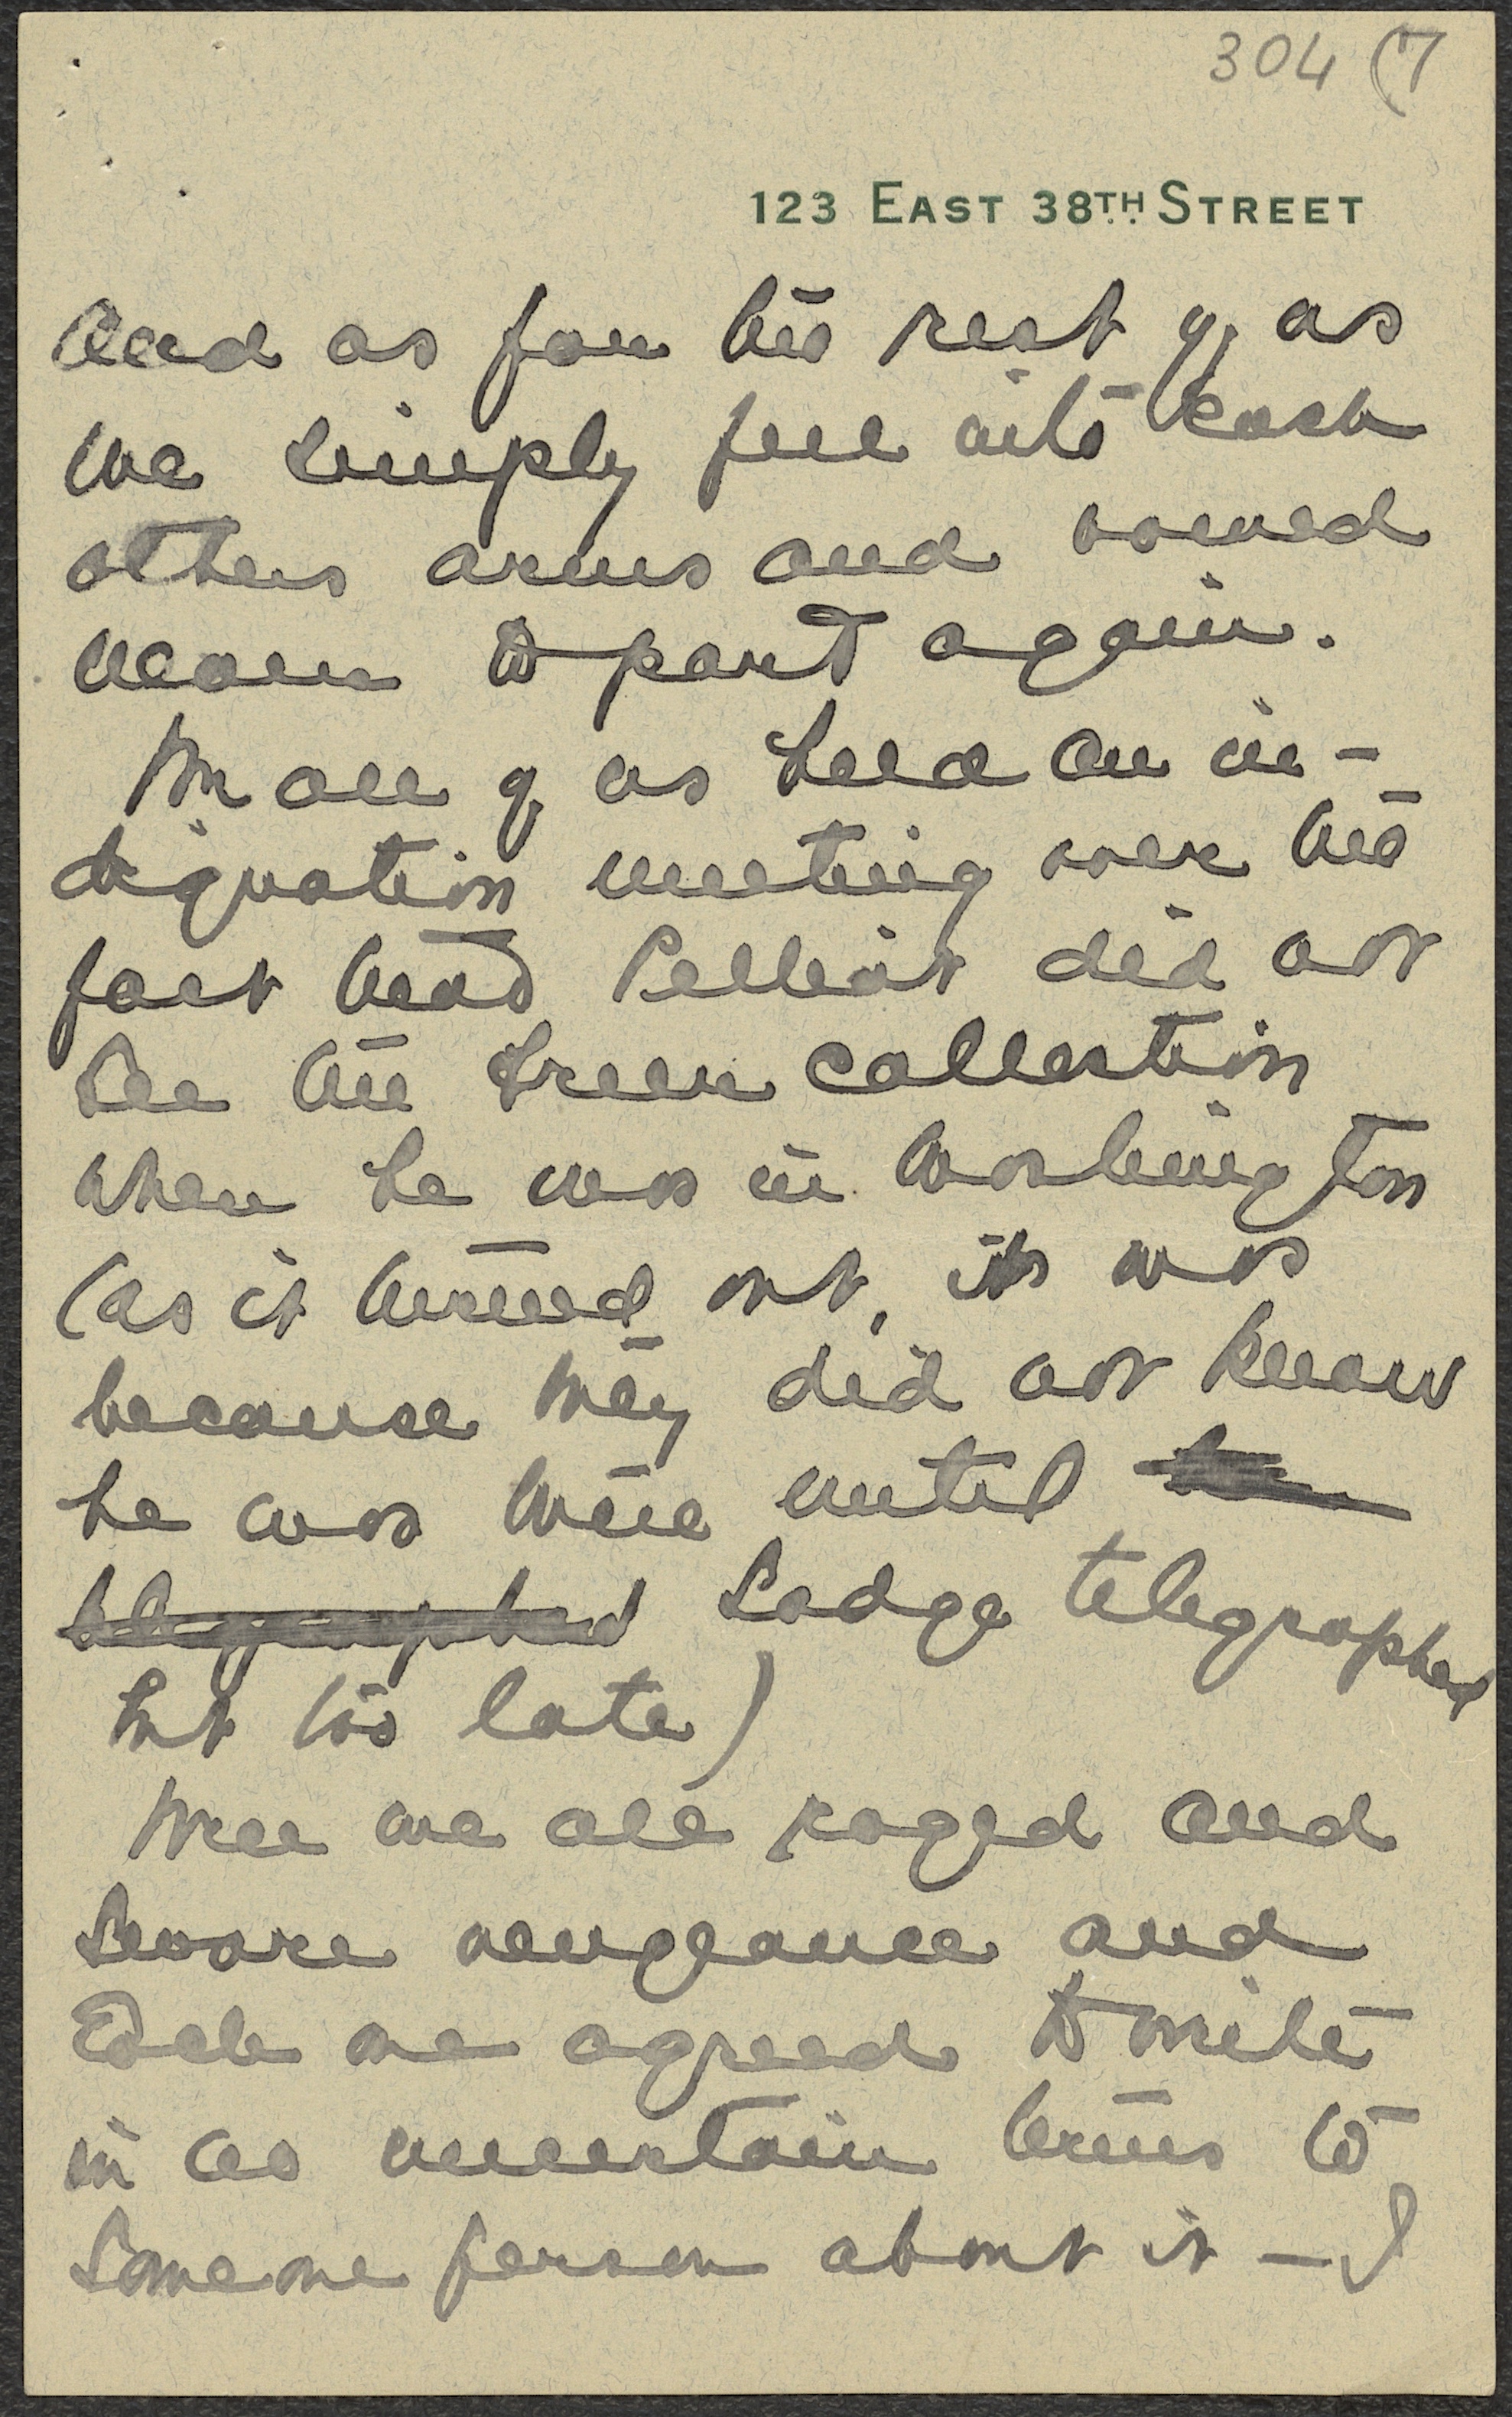and as for the rest of us we simply fell into each others arms and vowed never to part again.
We all of us held an indignation meeting over the fact that Pelliot did not see the Freer collection when he was in Washington (as it turned out, it was because they did not know he was there until [illegible deletion] Lodge telegraphed but too late)
Then we all raged an swore vengeance and each one agreed to write in no uncertain terms to someone person about it – I